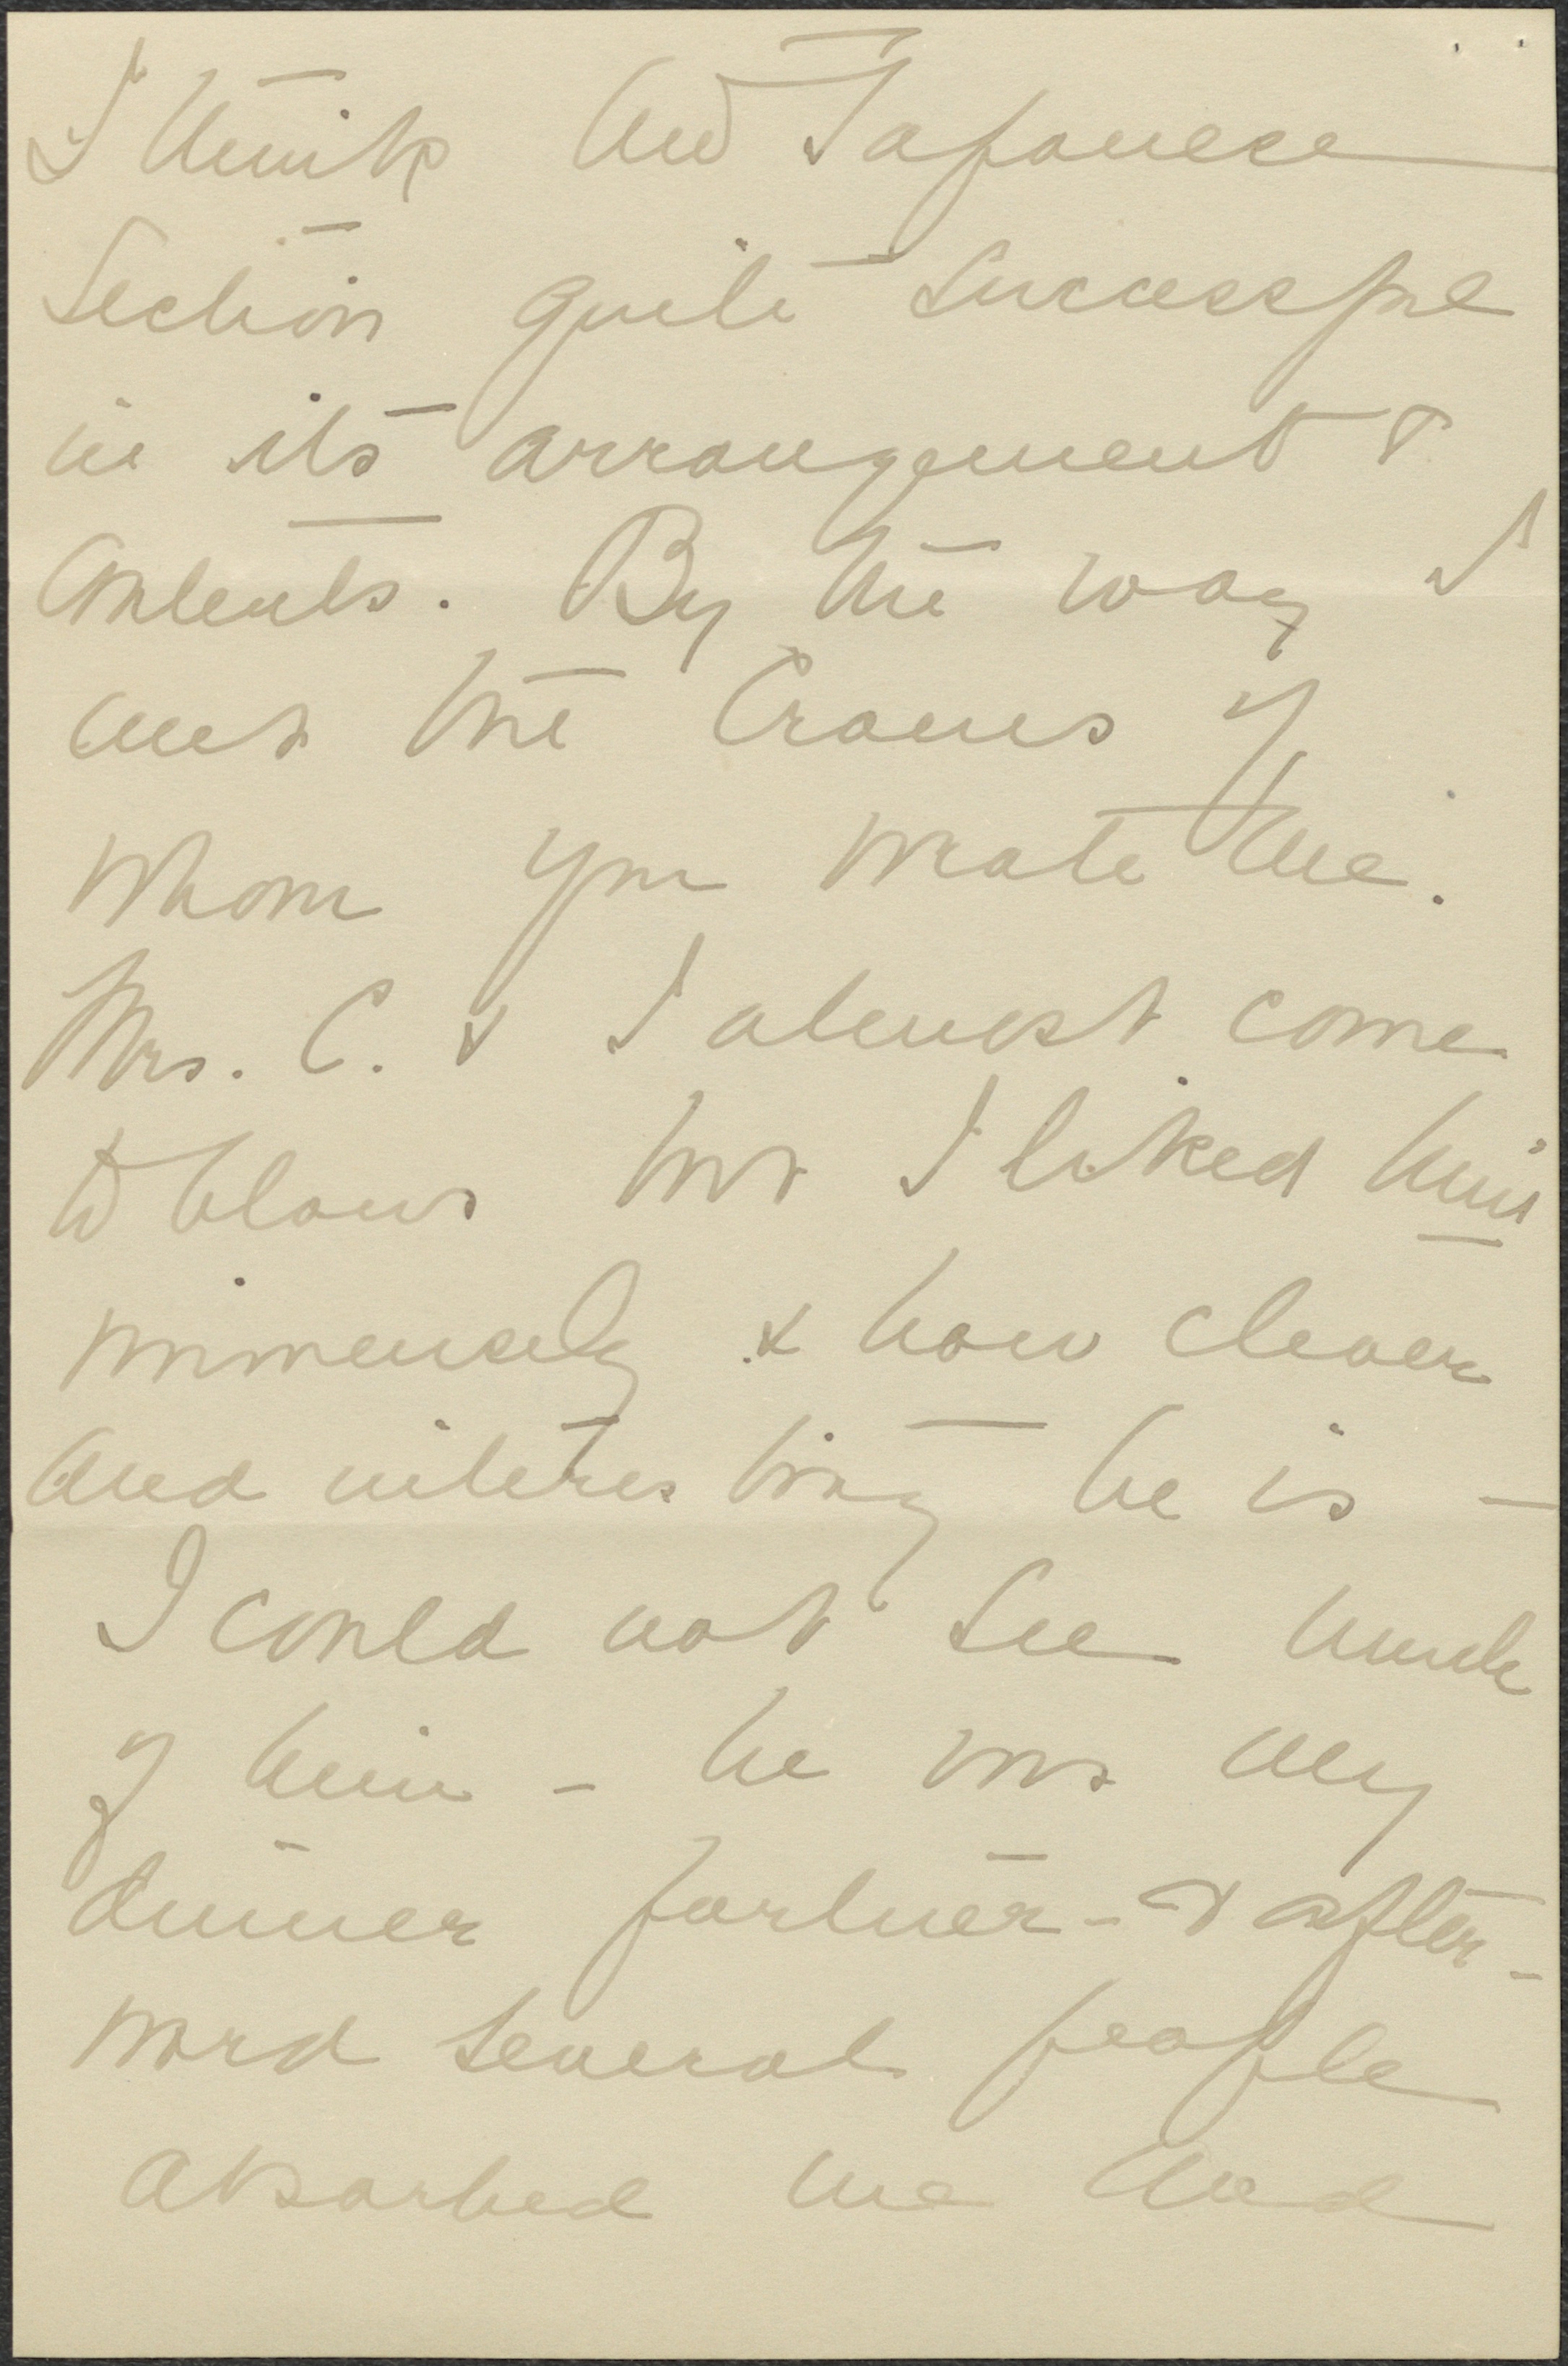I think the Japanese section quite successful in its arrangement & contents. By the way I met the Crams of whom you wrote me. Mrs. C. & I always come to blows but I liked him immensely & how clever and interesting he is – I could not see much of him – he was my dinner partner – & afterward several people absorbed me and